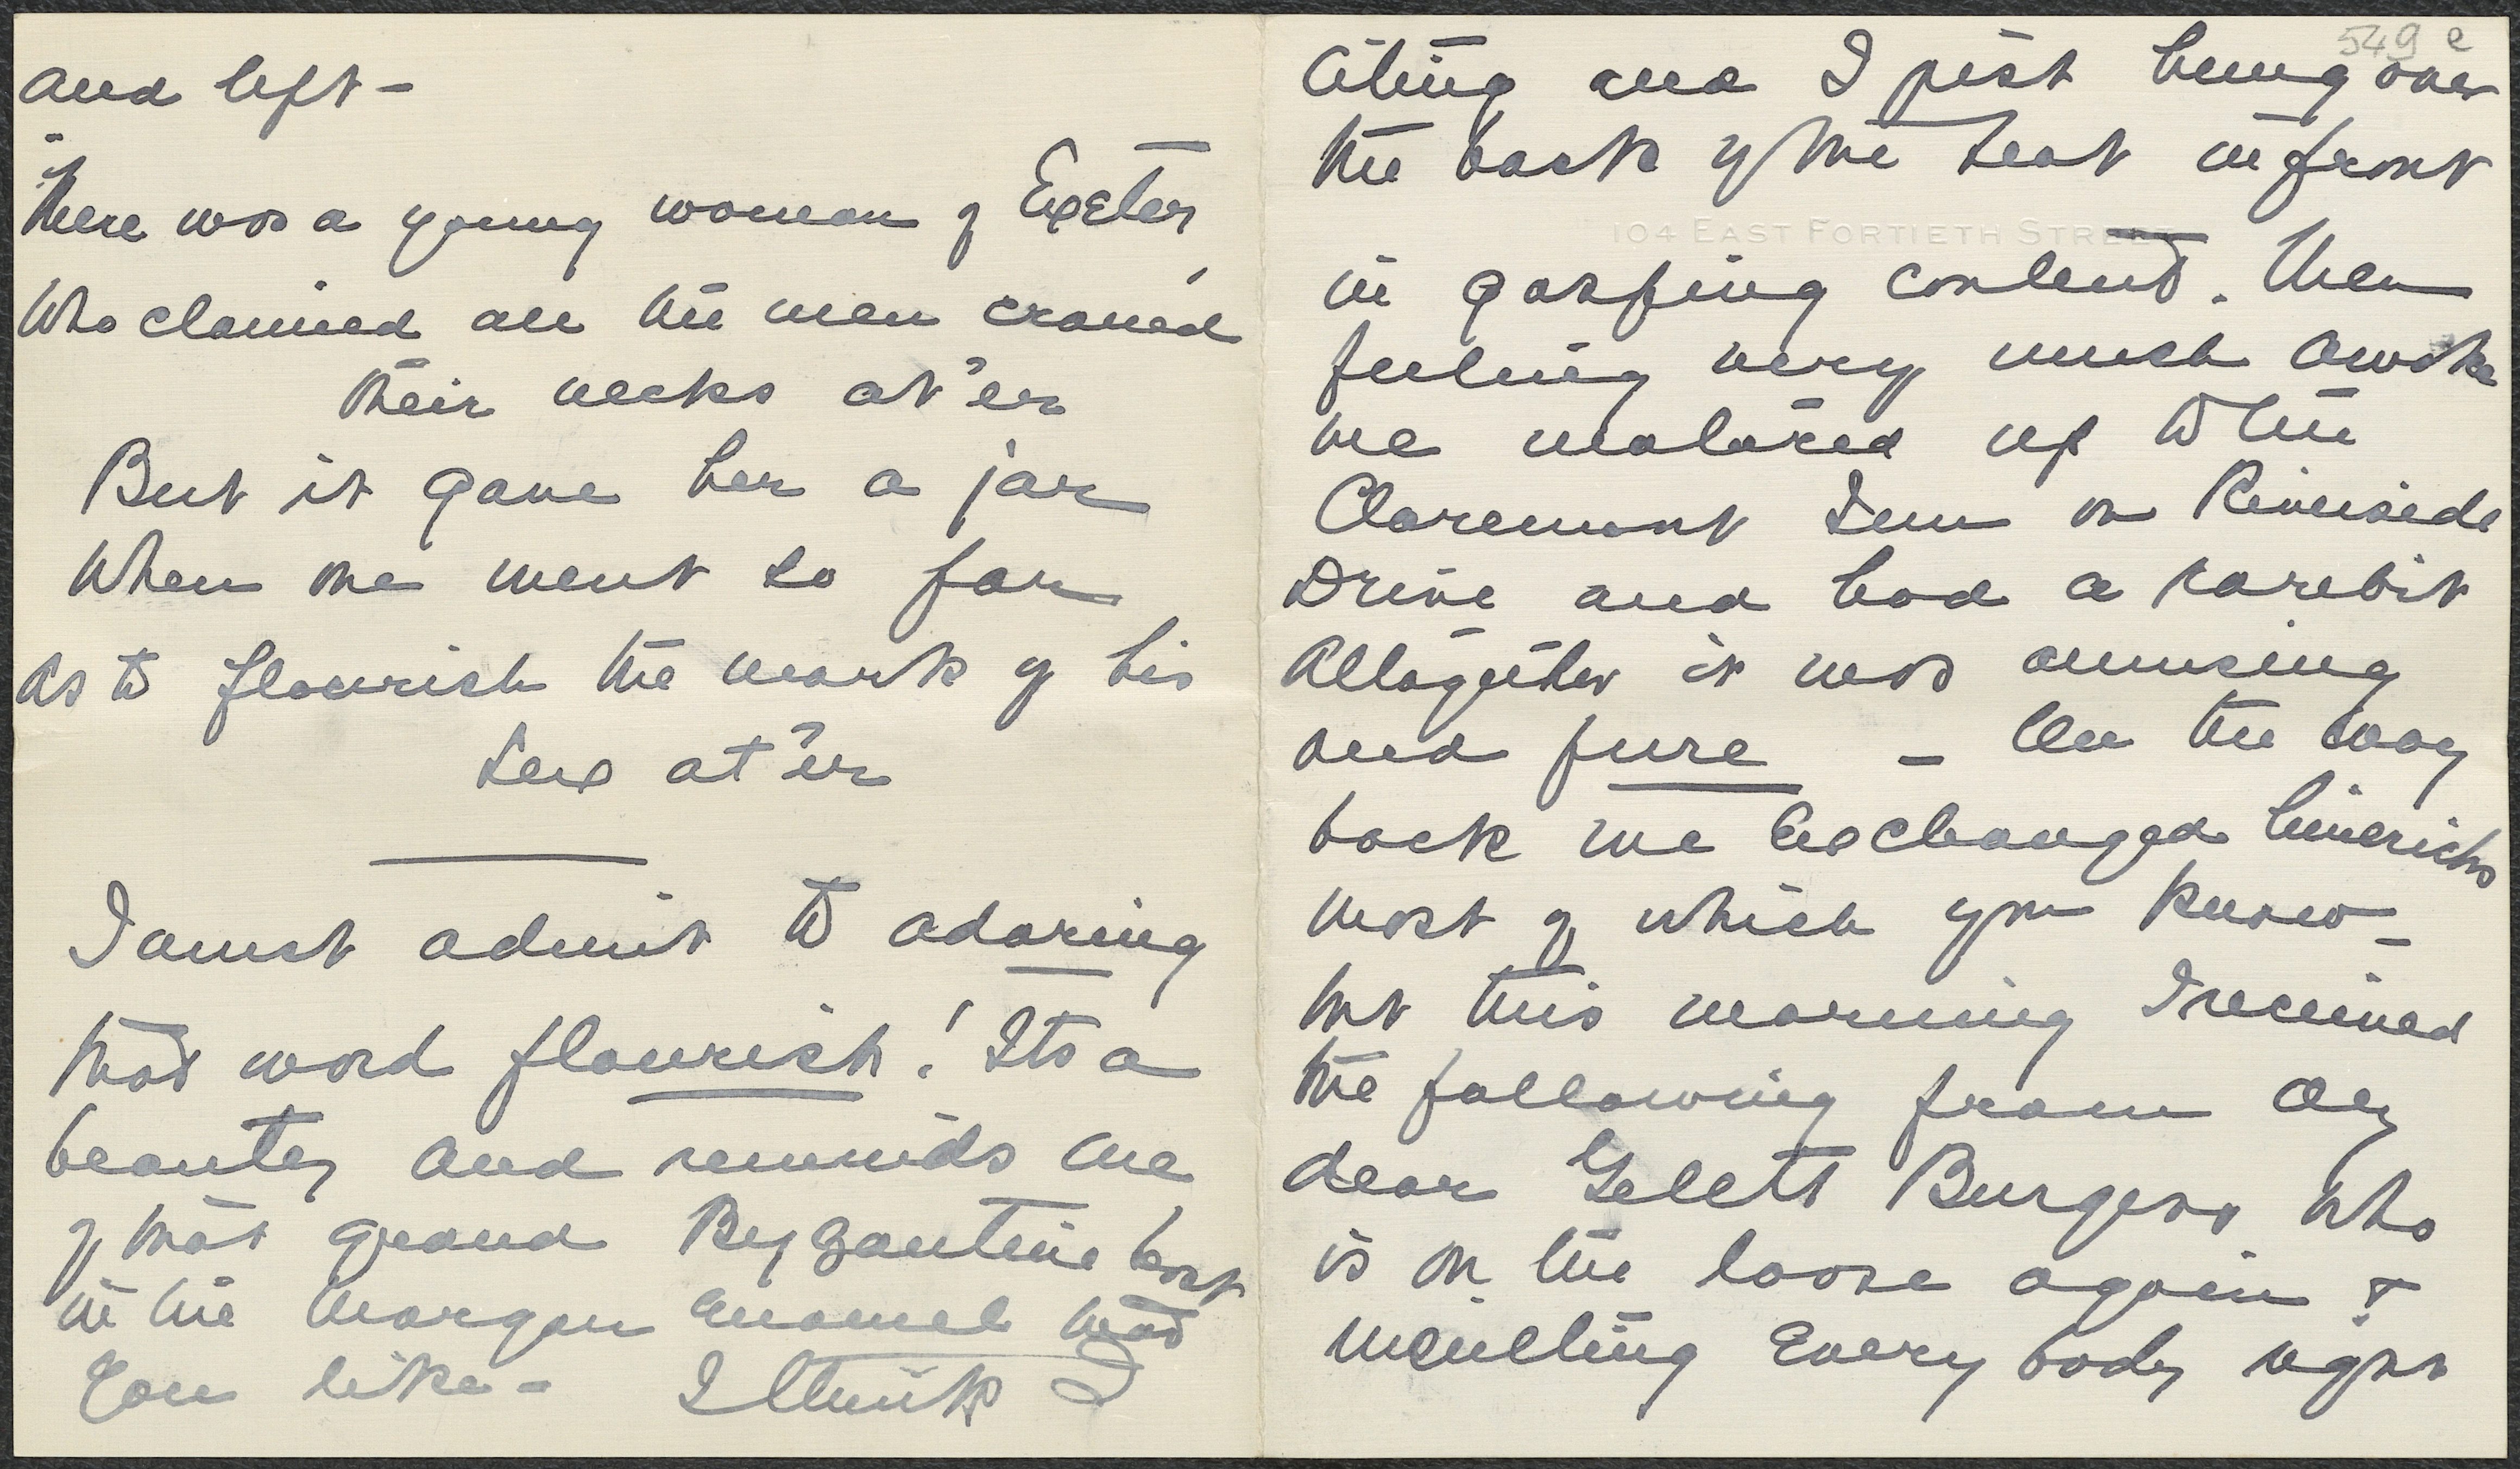exciting and I just hung over the back of the seat in front in gasping content. Then feeling very much awake we motored up to the Claremont Inn on Riverside Drive and had a rarebit
Altogether it was amusing and pure – on the way back we exchanged limericks most of which you know – but this morning I received the following from my dear Gelett Burgess who is on the loose again & insulting everybody right
and left
“There was a young woman of Exeter, / Who claimed all the men craned their necks at ‘her / But it gave her a jar / When one went so far / As to flourish the mark of his sex at ‘her
I must admit to adoring that word flourish! Its [sic] a beauty and reminds me of that grand Byzantine bust in the Morgan enamel that you like – I think I